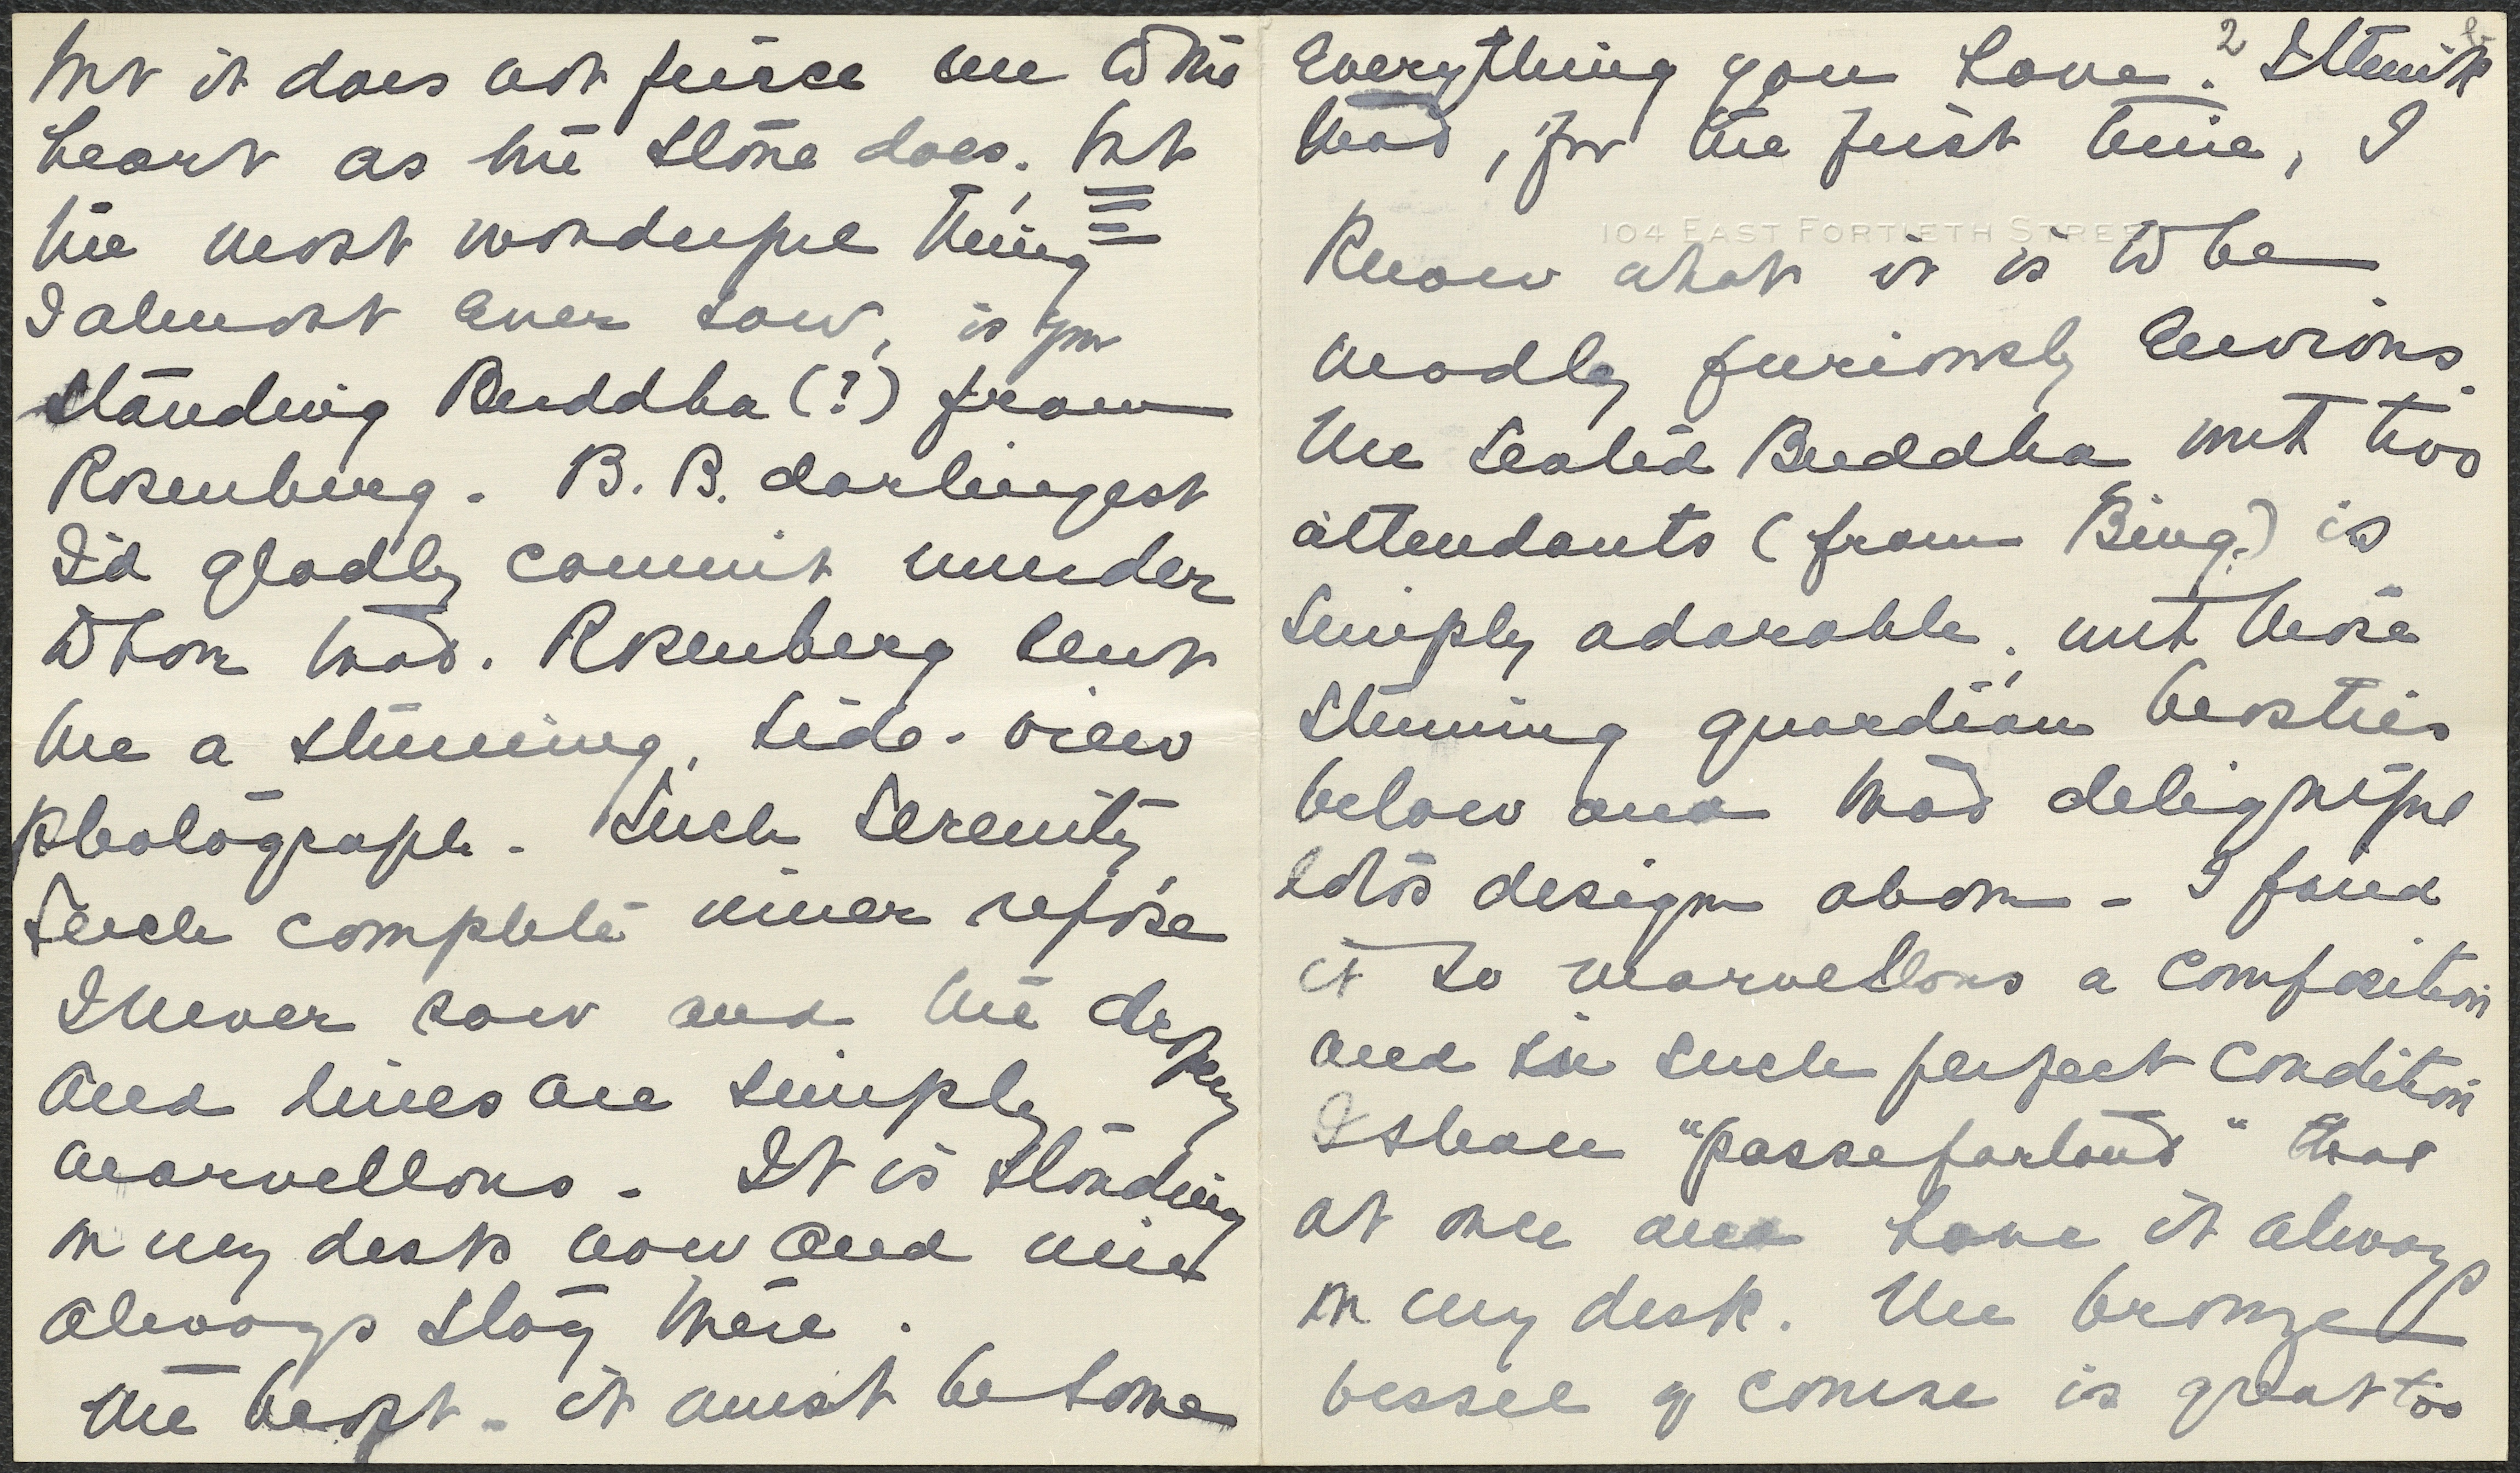everything you have. I think that, for the first time, I know what it is to be madly furiously envious. The seated Buddha with two attendants (from Bing) is simply adorable; with those stunning guardian beasties below and that delightful lotus design above – I find it so marvellous a composition and in such perfect condition I shall "passeparlant" that at once and have it always on my desk. The bronze vessel of course is great too
but it does not pierce me to the heart as the stone does. [quadruple underlined: but] the most wonderful thing I almost ever saw, is your standing Buddha (?) from Rosenberg. B.B. darlingest I'd gladly commit murder to have that. Rosenberg sent me a stunning, side-view photograph – Such Serenity, Such complete inner repose I never saw and the drapery and lines are simply marvellous – It is standing on my desk now and will always stay there.
The beast – it must be some